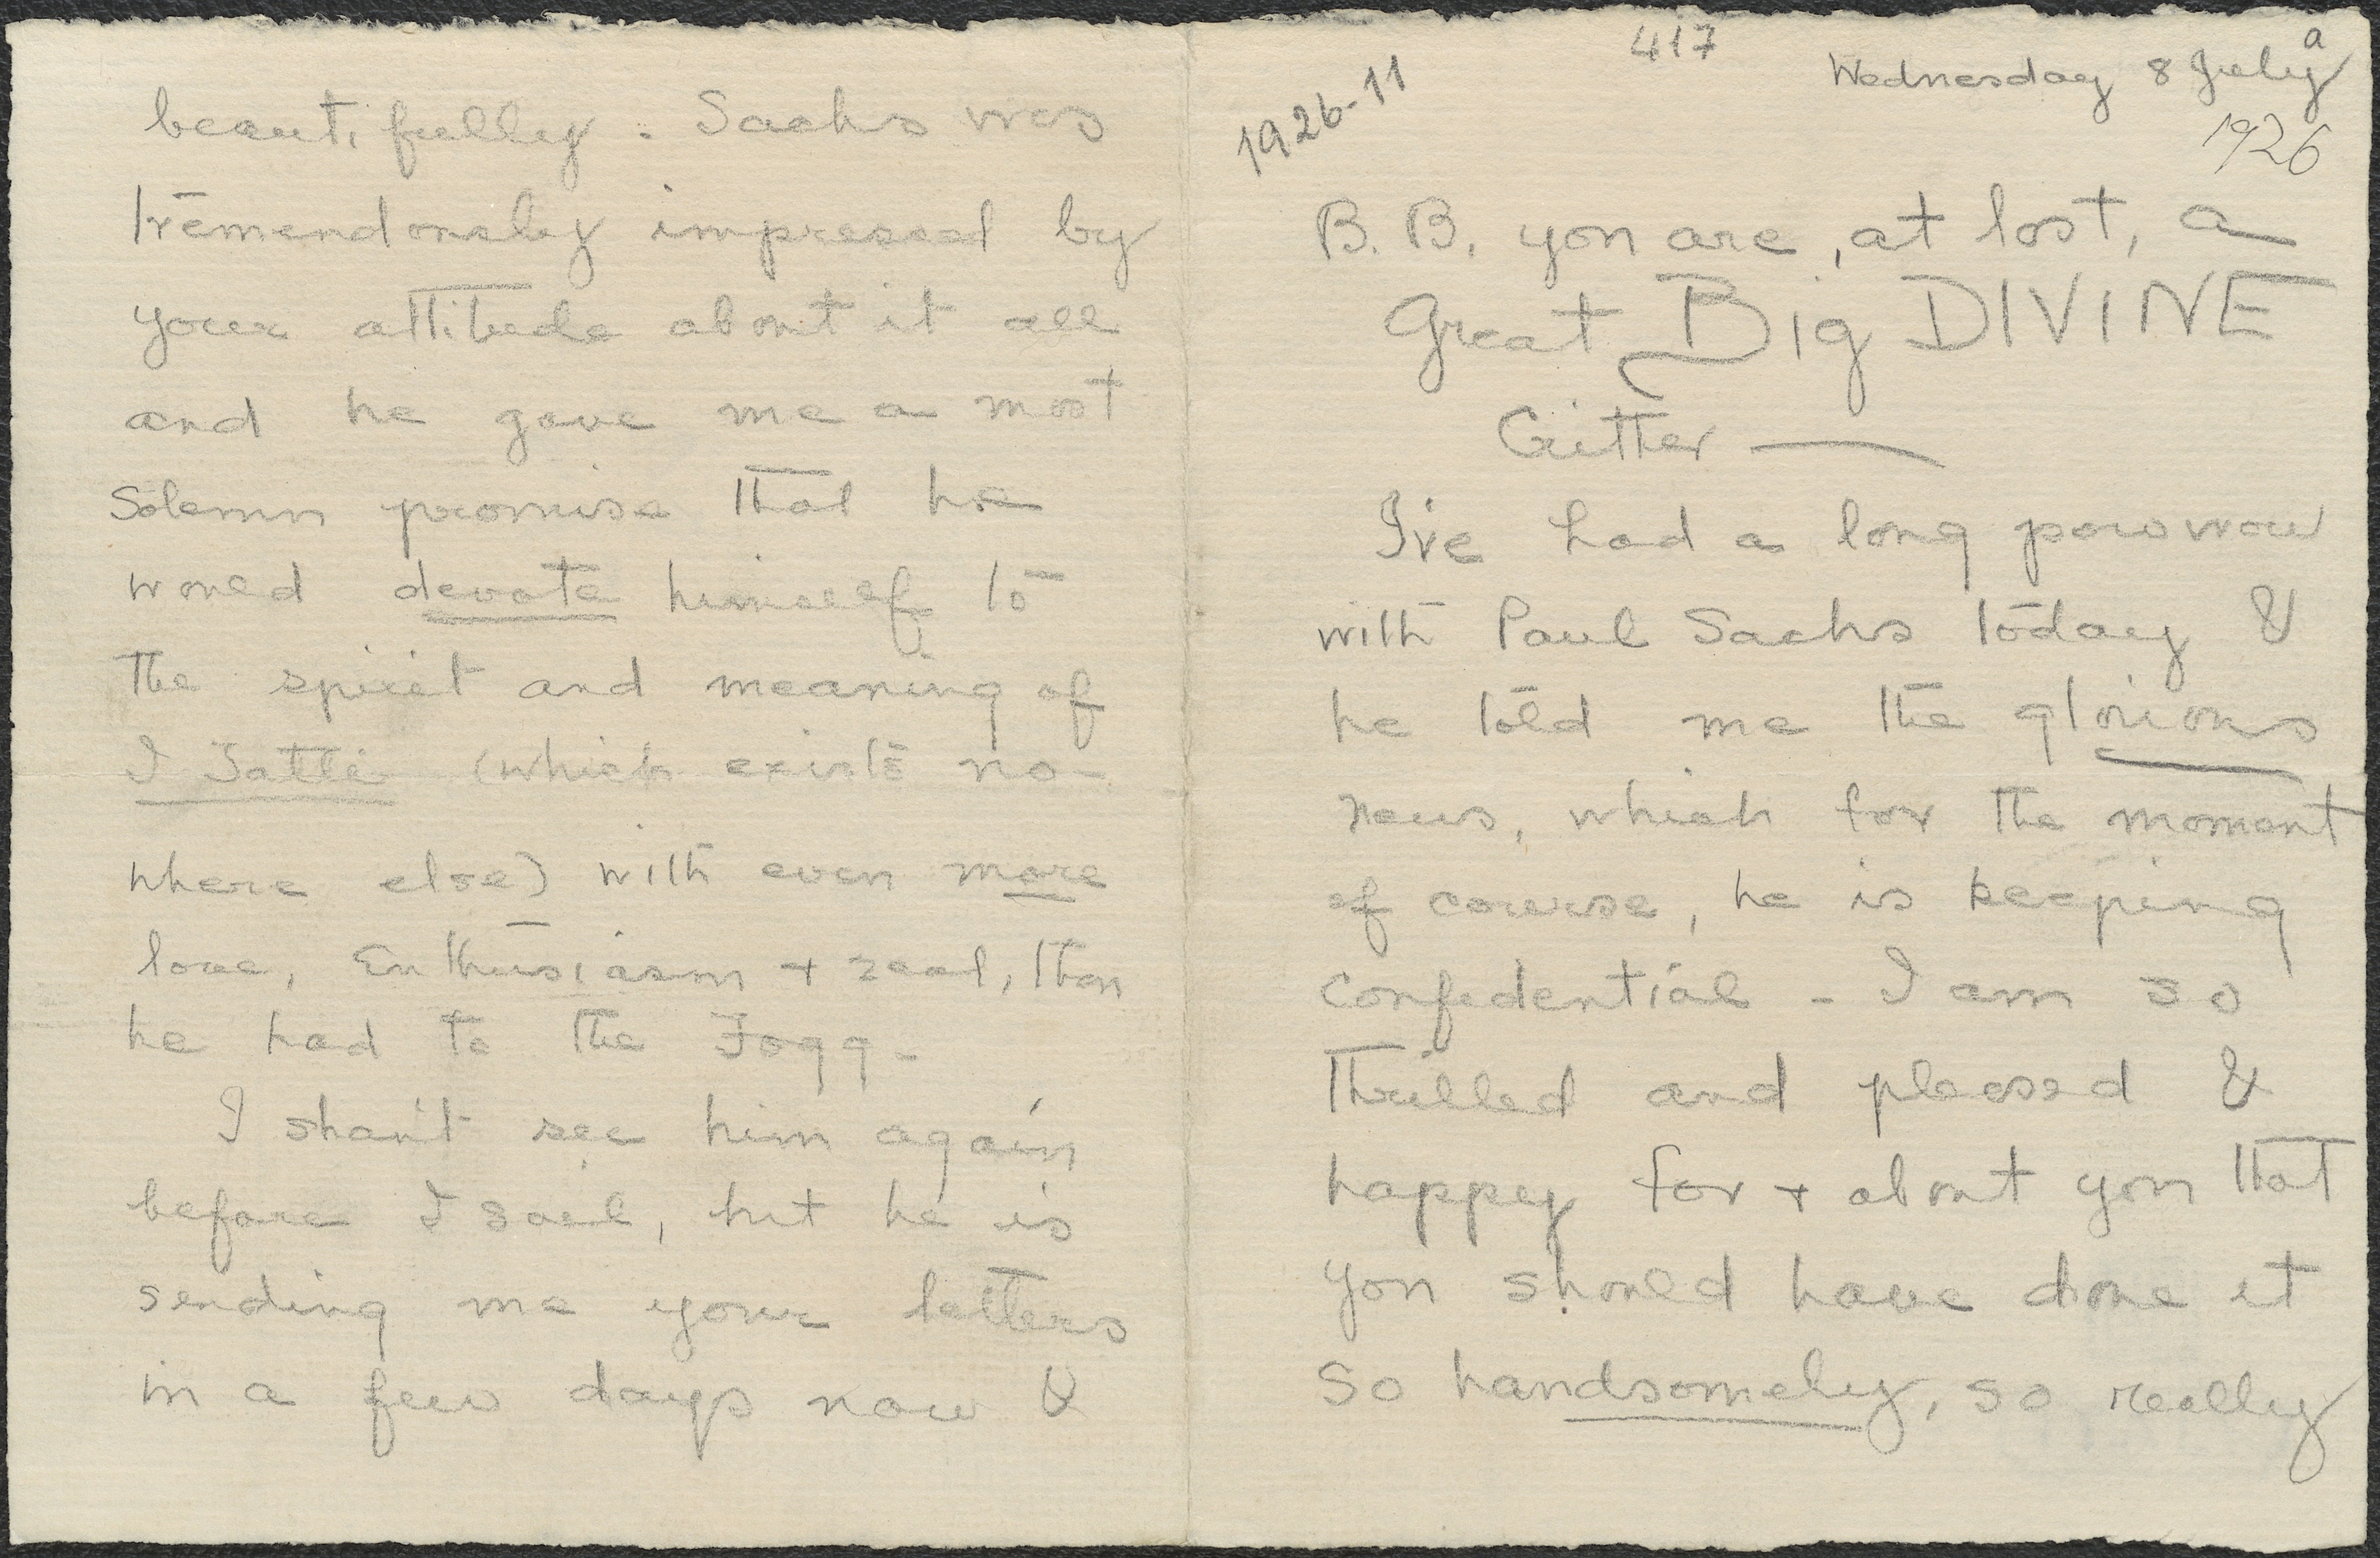Wednesday 8 July,
B.B. you are, at last, a great Big DIVINE Critter –
I’ve had a long powwow with Paul Sachs today & he told me the glorious news, which for the moment of course, he is keeping confidential – I am so thrilled and pleased & happy for & about you that you should have done it so handsomely, so really
beautifully. Sachs was tremendously impressed by your attitude about it all and he gave me a most solemn promise that he would devote himself to the spirit and meaning of I Tatti (which exists nowhere else) with even more love, enthusiasm & zeal, than he had to the Fogg.
I shan’t see him again before I sail, but he is sending me your letters in a few days now &